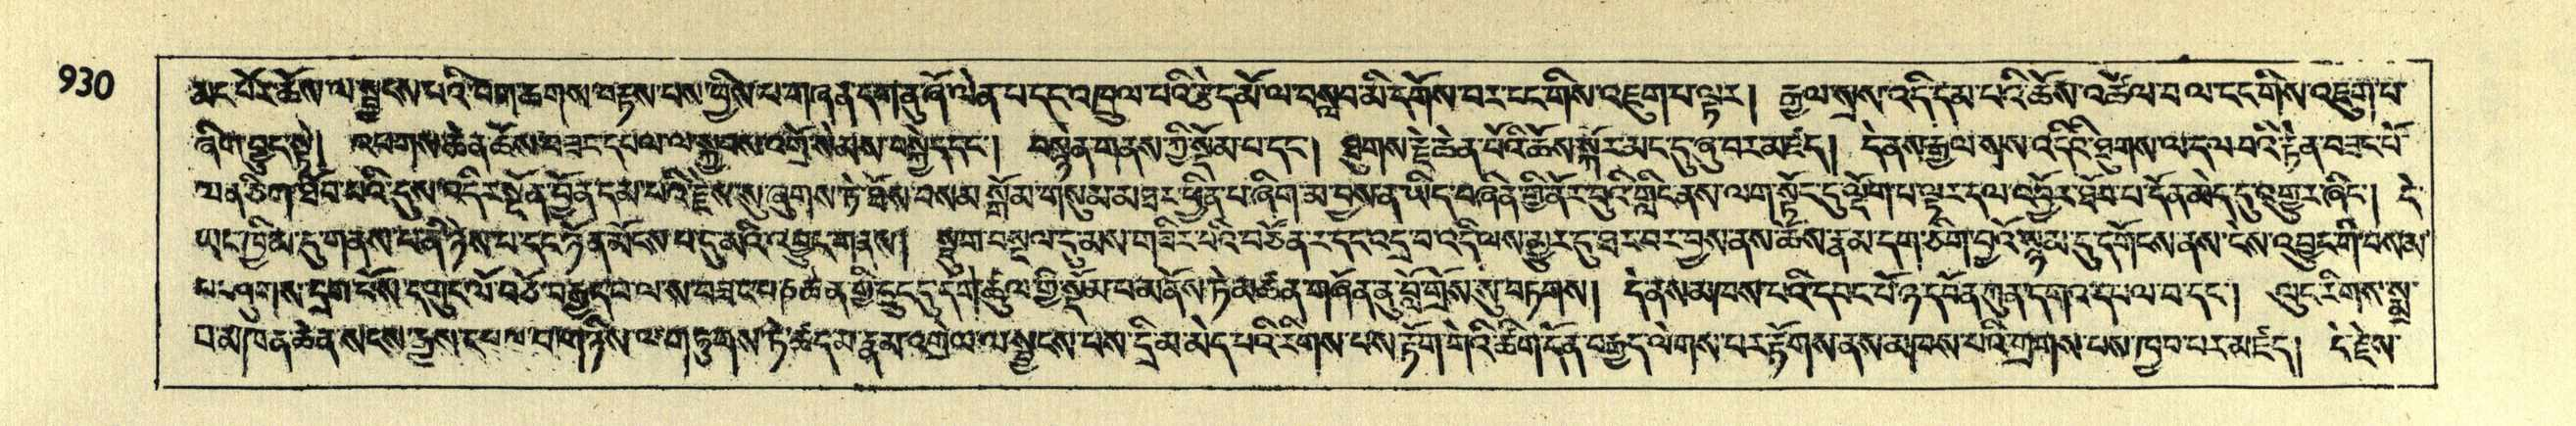མང་པོར་ཆོས་ལ་སྦྱངས་པའི་བག་ཆགས་བརྟས་པས་ཕྱིས་པ་གཞན་དག་ནུ་ཞོ་ལེན་པ་དང་འཁྲུལ་པའི་རྩེད་མོ་ལ་བསླབ་མི་དགོས་པར་ངང་གིས་འཇུག་པ་ལྟར། རྒྱལ་སྲས་འདི་དམ་པའི་ཆོས་འཚོལ་བ་ལ་ངང་གིས་འཇུག་པ་
ཞིག་བྱུང་སྟེ། འཕགས་ཆེན་ཆོས་བཟང་དཔལ་ལ་སྐྱབས་འགྲོ་སེམས་བསྐྱེད་དང་། བསྙེན་གནས་ཀྱི་སྡོམ་པ་དང་། ཐུགས་རྗེ་ཆེན་པོའི་ཆོས་སྐོར་མང་དུ་ཞུ་བར་མཛད། དེ་ནས་རྒྱལ་སྲས་འདིའི་ཐུགས་ལ་དལ་བའི་རྟེན་བཟང་པོ་
ལན་ཅིག་ཐོབ་པའི་དུས་འདིར་སྔོན་བྱོན་དམ་པའི་རྗེས་སུ་ཞུགས་ཏེ་ཐོས་བསམ་སྒོམ་གསུམ་མཐར་ཕྱིན་པ་ཞིག་མ་བྱས་ན་ཡིད་བཞིན་གྱི་ནོར་བུའི་གླིང་ནས་ལག་སྟོང་དུ་ལྡོག་པ་ལྟར་དལ་འབྱོར་ཐོབ་པ་དོན་མེད་དུ་འགྱུར་ཞིང་། དེ་
ཡང་ཁྱིམ་དུ་གནས་པ་ནི་ཉེས་པ་དང་ཉོན་མོངས་པ་དུ་མའི་འབྱུང་གནས། སྡུག་བསྔལ་དུ་མས་གཟིར་པའི་བཙོན་ར་དང་འདྲ་བ་འདི་ལས་མྱུར་དུ་ཐར་བར་བྱས་ནས་ཆོས་རྣམ་དག་ཅིག་བྱའོ་སྙམ་དུ་དགོངས་ནས་ངེས་འབྱུང་གི་བསམ་
པ་ཤུགས་དྲག་པོས་དགུང་ལོ་བཅོ་བརྒྱད་བ་ལ་ས་བཟང་པཎ་ཆེན་གྱི་དྲུང་དུ་དགེ་ཚུལ་གྱི་སྡོམ་པ་མནོས་ཏེ་མཚན་གཞོན་ནུ་བློ་གྲོས་སུ་བཏགས། དེ་ནས་མཁས་པའི་དབང་པོ་ཉ་དབོན་ཀུན་དགའ་དཔལ་བ་དང་། ལུང་རིགས་སྨྲ་
པ་མཁན་ཆེན་སངས་རྒྱས་དཔལ་པ་གཉིས་ལ་གཏུགས་ཏེ་ཚད་མ་རྣམ་འགྲེལ་ལ་སྦྱངས་པས་དྲི་མ་མེད་པའི་རིགས་པས་རྟོག་གེའི་ཚིག་དོན་བརྒྱད་ལེགས་པར་རྟོགས་ནས་མཁས་པའི་གྲགས་པས་ཁྱབ་པར་མཛད། དེ་རྗེས་